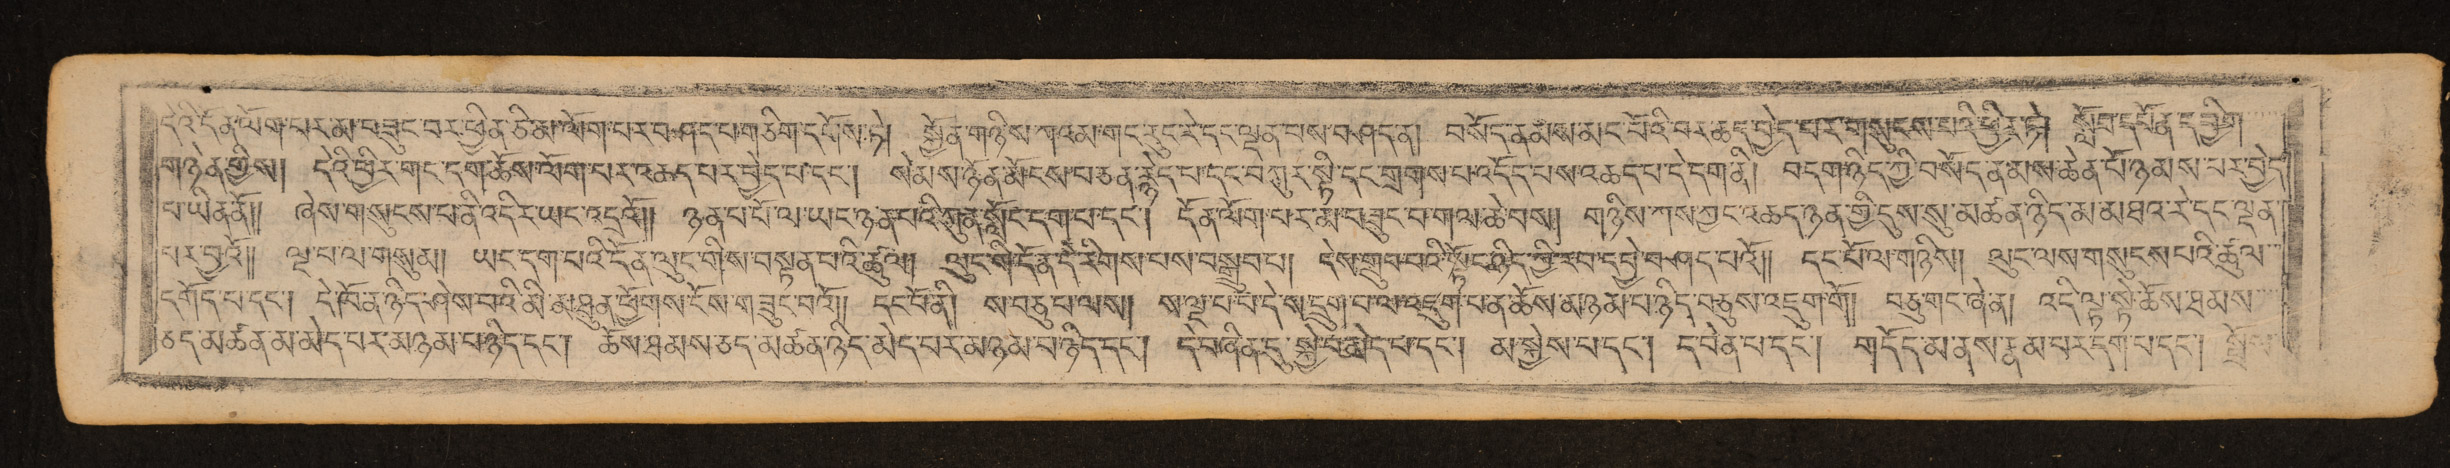དེའི་དོན་ལོག་པར་མ་བཟུང་བར་ཕྱིན་ཅི་མ་ལོག་པར་བཤད་པ་ཅིག་དགོས་ཏེ། སྐྱོན་གཉིས་ཀའམ་གང་རུང་རེ་དང་ལྡན་པས་བཤད་ན། བསོད་ནམས་མང་པོའི་བར་ཆད་བྱེད་པར་གསུངས་པའི་ཕྱིར་ཏེ། སློབ་དཔོན་དབྱིག་
གཉེན་གྱིས། དེའི་ཕྱིར་གང་དག་ཆོས་ལོག་པར་འཆད་པར་བྱེད་པ་དང་། སེམས་ཉོན་མོངས་པ་ཅན་རྙེད་པ་དང་བཀུར་སྟི་དང་གྲགས་པ་འདོད་པས་འཆད་པ་དེ་དག་ནི། བདག་ཉིད་ཀྱི་བསོད་ནམས་ཆེན་པོ་ཉམས་པར་བྱེད་
པ་ཡིན་ནོ།། ཞེས་གསུངས་པ་ནི་འདིར་ཡང་འདྲའོ།། ཉན་པ་པོ་ལ་ཡང་ཉན་པའི་ཀུན་སློང་དག་པ་དང་། དོན་ལོག་པར་མ་བཟུང་བ་གལ་ཆེ་བས། གཉིས་ཀས་ཀྱང་འཆད་ཉན་གྱི་དུས་སུ་མཚན་ཉིད་མ་མཐའ་རེ་དང་ལྡན་
པར་བྱའོ།། ལྔ་པ་ལ་གསུམ། ཡང་དག་པའི་དོན་ལུང་གིས་བསྟན་པའི་ཚུལ། ལུང་གི་དོན་དེ་རིགས་པས་བསྒྲུབ་པ། དེས་གྲུབ་པའི་སྟོང་ཉིད་ཀྱི་རབ་དབྱེ་བཤད་པའོ།། དང་པོ་ལ་གཉིས། ལུང་ལས་གསུངས་པའི་ཚུལ་
དགོད་པ་དང་། དེ་ཁོ་ན་ཉིད་ཤེས་པའི་མི་མཐུན་ཕྱོགས་ངོས་གཟུང་བའོ།། དང་པོ་ནི། ས་བཅུ་པ་ལས། ས་ལྔ་པ་བ་དེ་ས་དྲུག་པ་ལ་འཇུག་པ་ན་ཆོས་མཉམ་པ་ཉིད་བཅུས་འཇུག་གོ། བཅུ་གང་ཞེ་ན། འདི་ལྟ་སྟེ་ཆོས་ཐམས་
ཅད་མཚན་མ་མེད་པར་མཉམ་པ་ཉིད་དང་། ཆོས་ཐམས་ཅད་མཚན་ཉིད་མེད་པར་མཉམ་པ་ཉིད་དང་། དེ་བཞིན་དུ་སྐྱེ་བ་མེད་པ་དང་། མ་སྐྱེས་པ་དང་། དབེན་པ་དང་། གདོད་མ་ནས་རྣམ་པར་དག་པ་དང་། སྤྲོས་